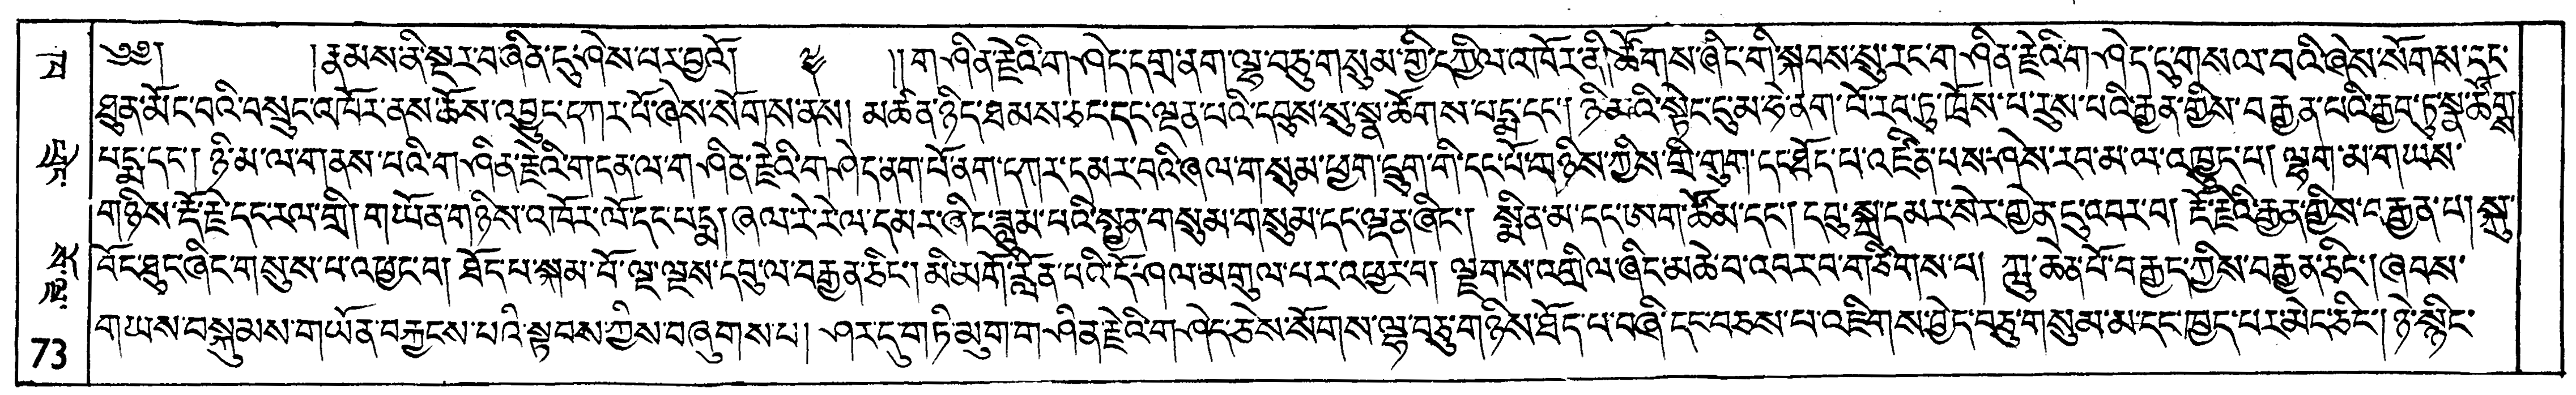༄༅། །རྣམས་ནི་སྔར་བཞིན་དུ་ཤེས་པར་བྱའོ། ༈ །།གཤིན་རྗེའི་གཤེད་དགྲ་ནག་ལྷ་བཅུ་གསུམ་གྱི་དཀྱིལ་འཁོར་ནི། ཚོགས་ཞིང་གི་སྐབས་སུ་རང་གཤིན་རྗེའི་གཤེད་དུ་གསལ་བའི་ཞེས་སོགས་དང་
ཐུན་མོང་བའི་བསྲུང་འཁོར་ནས་ཆོས་འབྱུང་དཀར་པོ་ཞེས་སོགས་ནས། མཚན་ཉིད་ཐམས་ཅད་དང་ལྡན་པའི་དབུས་སུ་སྣ་ཚོགས་པདམ་དང་། ཉི་མའི་སྟེང་དུ་མ་ཧེ་ནག་པོ་རབ་ཏུ་ཁྲོས་པ་རུས་པའི་རྒྱན་གྱིས་བརྒྱན་པའི་རྒྱབ་ཏུ་སྣ་ཚོགས་
པདམ་དང་། ཉི་མ་ལ་གནས་པའི་གཤིན་རྗེའི་གདན་ལ་གཤིན་རྗེའི་གཤེད་ནག་པོ་ནག་དཀར་དམར་བའི་ཞལ་གསུམ་ཕྱག་དྲུག་གི་དང་པོ་གཉིས་ཀྱིས་གྲི་གུག་དང་ཐོད་པ་འཛིན་པས་ཤེས་རབ་མ་ལ་འཁྱུད་པ། ལྷག་མ་གཡས་
གཉིས་རྡོ་རྗེ་དང་རལ་གྲི། གཡོན་གཉིས་འཁོར་ལོ་དང་པདམ། ཞལ་རེ་རེ་ལ་དམར་ཞིང་ཟླུམ་པའི་སྤྱན་གསུམ་གསུམ་དང་ལྡན་ཞིང་། སྨིན་མ་དང་ཨག་ཚོམ་དང་། དབུ་སྐྲ་དམར་སེར་གྱེན་དུ་འབར་བ། རྡོ་རྗེའི་རྒྱན་གྱིས་བརྒྱན་པ། སྐུ་
བོང་ཐུང་ཞིང་གསུས་པ་འཕྱང་བ། ཐོད་པ་སྐམ་པོ་ལྔ་ལྔས་དབུ་ལ་བརྒྱན་ཅིང་། མི་མགོ་རློན་པའི་དོ་ཤལ་མགུལ་པར་འཕྱར་བ། ལྗགས་འགྲིལ་ཞིང་མཆེ་བ་འབར་བ་གཙིགས་པ། ཀླུ་ཆེན་པོ་བརྒྱད་ཀྱིས་བརྒྱན་ཅིང་། ཞབས་
གཡས་བསྐུམས་གཡོན་བརྐྱངས་པའི་སྟབས་ཀྱིས་བཞུགས་པ། ཤར་དུ་གཏི་མུག་གཤིན་རྗེའི་གཤེད་ཅེས་སོགས་ལྷ་བཅུ་གཉིས་ཐོད་པ་བཞི་དང་བཅས་པ་འཇིགས་བྱེད་བཅུ་གསུམ་མ་དང་ཁྱད་པར་མེད་ཅིང་། ཉེ་སྙིང་